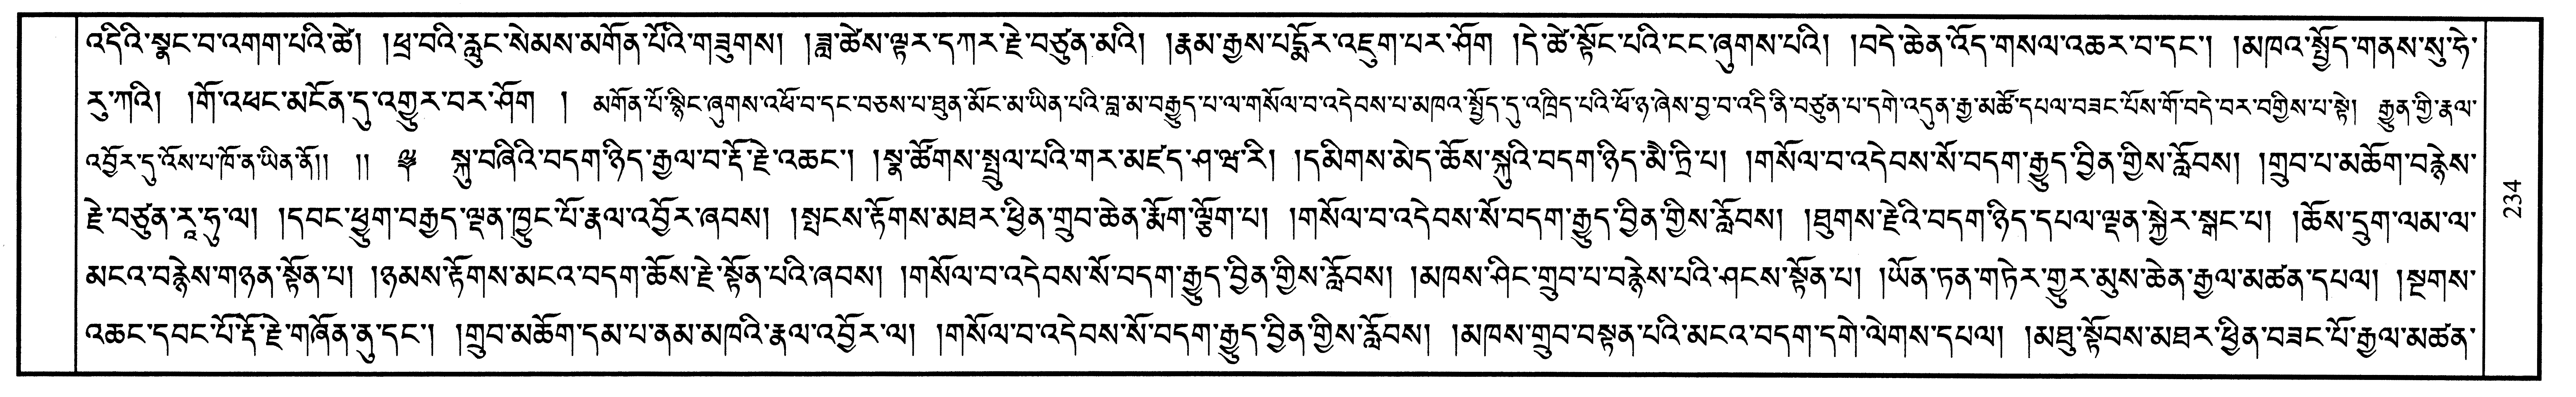འདིའི་སྣང་བ་འགག་པའི་ཚེ། །ཕྲ་བའི་རླུང་སེམས་མགོན་པོའི་གཟུགས། །ཟླ་ཚེས་ལྟར་དཀར་རྗེ་བཙུན་མའི། །རྣམ་རྒྱས་པདམོར་འཇུག་པར་ཤོག །དེ་ཚེ་སྟོང་པའི་ངང་ཞུགས་པའི། །བདེ་ཆེན་འོད་གསལ་འཆར་བ་དང་། །མཁའ་སྤྱོད་གནས་སུ་ཧེ་
རུ་ཀའི། །གོ་འཕང་མངོན་དུ་འགྱུར་བར་ཤོག །མགོན་པོ་སྙིང་ཞུགས་འཕོ་བ་དང་བཅས་པ་ཐུན་མོང་མ་ཡིན་པའི་བླ་མ་བརྒྱུད་པ་ལ་གསོལ་བ་འདེབས་པ་མཁའ་སྤྱོད་དུ་འཁྲིད་པའི་ཕོ་ཉ་ཞེས་བྱ་བ་འདི་ནི་བཙུན་པ་དགེ་འདུན་རྒྱ་མཚོ་དཔལ་བཟང་པོས་གོ་བདེ་བར་བགྱིས་པ་སྟེ། རྒྱུན་གྱི་རྣལ་
འབྱོར་དུ་འོས་པ་ཁོ་ན་ཡིན་ནོ།། །། ༈ སྐུ་བཞིའི་བདག་ཉིད་རྒྱལ་བ་རྡོ་རྗེ་འཆང་། །སྣ་ཚོགས་སྤྲུལ་པའི་གར་མཛད་ཤ་ཝ་རི། །དམིགས་མེད་ཆོས་སྐུའི་བདག་ཉིད་མཻ་ཏྲི་པ། །གསོལ་བ་འདེབས་སོ་བདག་རྒྱུད་བྱིན་གྱིས་རློབས། །གྲུབ་པ་མཆོག་བརྙེས་
རྗེ་བཙུན་རཱ་ཧུ་ལ། །དབང་ཕྱུག་བརྒྱད་ལྡན་ཁྱུང་པོ་རྣལ་འབྱོར་ཞབས། །སྤངས་རྟོགས་མཐར་ཕྱིན་གྲུབ་ཆེན་རྨོག་ལྕོག་པ། །གསོལ་བ་འདེབས་སོ་བདག་རྒྱུད་བྱིན་གྱིས་རློབས། །ཐུགས་རྗེའི་བདག་ཉིད་དཔལ་ལྡན་སྐྱེར་སྒང་པ། །ཆོས་དྲུག་ལམ་ལ་
མངའ་བརྙེས་གཉན་སྟོན་པ། །ཉམས་རྟོགས་མངའ་བདག་ཆོས་རྗེ་སྟོན་པའི་ཞབས། །གསོལ་བ་འདེབས་སོ་བདག་རྒྱུད་བྱིན་གྱིས་རློབས། །མཁས་ཤིང་གྲུབ་པ་བརྙེས་པའི་ཤངས་སྟོན་པ། །ཡོན་ཏན་གཏེར་གྱུར་མུས་ཆེན་རྒྱལ་མཚན་དཔལ། །སྔགས་
འཆང་དབང་པོ་རྡོ་རྗེ་གཞོན་ནུ་དང་། །གྲུབ་མཆོག་དམ་པ་ནམ་མཁའི་རྣལ་འབྱོར་ལ། །གསོལ་བ་འདེབས་སོ་བདག་རྒྱུད་བྱིན་གྱིས་རློབས། །མཁས་གྲུབ་བསྟན་པའི་མངའ་བདག་དགེ་ལེགས་དཔལ། །མཐུ་སྟོབས་མཐར་ཕྱིན་བཟང་པོ་རྒྱལ་མཚན་